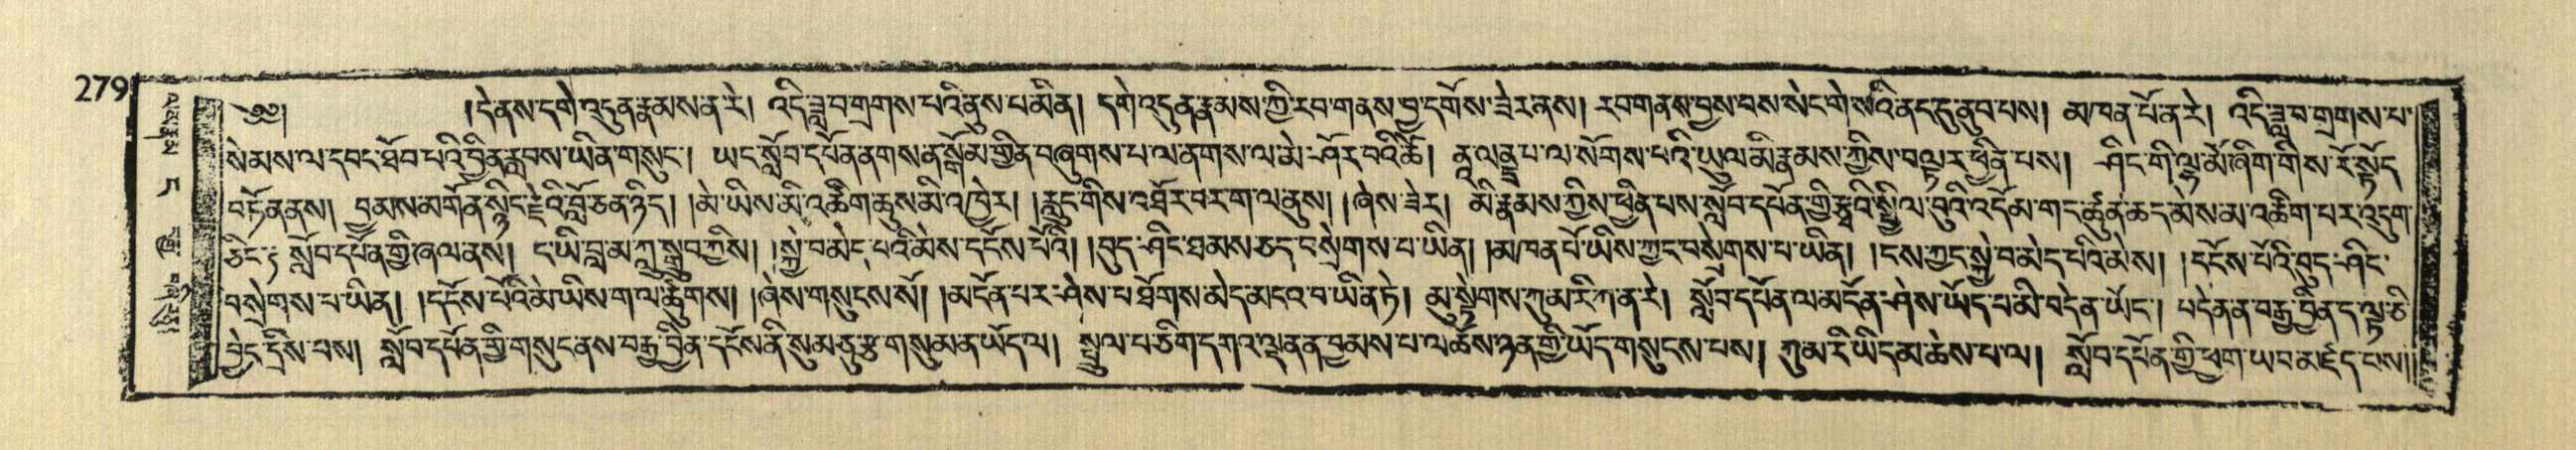༄༅། །དེ་ནས་དགེ་འདུན་རྣམས་ན་རེ། འདི་ཟླ་བ་གྲགས་པའི་ནུས་པ་མིན། དགེ་འདུན་རྣམས་ཀྱི་རབ་གནས་བྱ་དགོས་ཟེར་ནས། རབ་གནས་བྱས་བས་སེང་གེ་སའི་ནང་དུ་ནུབ་པས། མཁན་པོ་ན་རེ། འདི་ཟླ་བ་གྲགས་པ་
སེམས་ལ་དབང་ཐོབ་པའི་བྱིན་རླབས་ཡིན་གསུང་། ཡང་སློབ་དཔོན་ནགས་ན་སྒོམ་གྱིན་བཞུགས་པ་ལ་ནགས་ལ་མེ་ཤོར་བའི་ཚེ། ནཱ་ལནྡྲ་པ་ལ་སོགས་པའི་ཡུལ་མི་རྣམས་ཀྱིས་བལྟར་ཕྱིན་པས། ཤིང་གི་ལྷ་མོ་ཞིག་གིས་རོ་སྟོད་
བཏོན་ནས། བྱམས་མགོན་སྙིང་རྗེའི་བློ་ཅན་ཉིད། །མེ་ཡིས་མི་འཚིག་ཆུས་མི་འཁྱེར། །རླུང་གིས་འཐོར་བར་ག་ལ་ནུས། །ཞེས་ཟེར། མི་རྣམས་ཀྱིས་ཕྱིན་པས་སློབ་དཔོན་གྱི་རྩྭའི་སྤྱིལ་བུའི་འདོམ་གང་ཚུན་ཆད་མེས་མ་འཚིག་པར་འདུག་
ཅིང༑ སློབ་དཔོན་གྱི་ཞལ་ནས། ང་ཡི་བླ་མ་ཀླུ་སྒྲུབ་ཀྱིས། །སྐྱེ་བ་མེད་པའི་མེས་དངོས་པོའི། །བུད་ཤིང་ཐམས་ཅད་བསྲེགས་པ་ཡིན། །མཁན་པོ་ཡིས་ཀྱང་བསྲེགས་པ་ཡིན། །ངས་ཀྱང་སྐྱེ་བ་མེད་པའི་མེས། །དངོས་པོའི་བུད་ཤིང་
བསྲེགས་པ་ཡིན། །དངོས་པོའི་མེ་ཡིས་ག་ལ་ཚུགས། །ཞེས་གསུངས་སོ། །མངོན་པར་ཤེས་པ་ཐོགས་མེད་མངའ་བ་ཡིན་ཏེ། མུ་སྟེགས་ཀུ་མ་རི་ཀ་ན་རེ། སློབ་དཔོན་ལ་མངོན་ཤེས་ཡོད་པ་མི་བདེན་ཡོང་། བདེན་ན་བརྒྱ་བྱིན་ད་ལྟ་ཅི་
བྱེད་དྲིས་པས། སློབ་དཔོན་གྱི་གསུང་ནས་བརྒྱ་བྱིན་དངོས་ནི་སུམ་ཅུ་རྩ་གསུམ་ན་ཡོད་ལ། སྤྲུལ་པ་ཅིག་དགའ་ལྡན་ན་བྱམས་པ་ལ་ཆོས་ཉན་གྱི་ཡོད་གསུངས་པས། ཀུ་མ་རི་ཡི་དམ་ཆེས་པ་ལ། སློབ་དཔོན་གྱི་ཕྱག་ཡབ་མཛད་པས། །